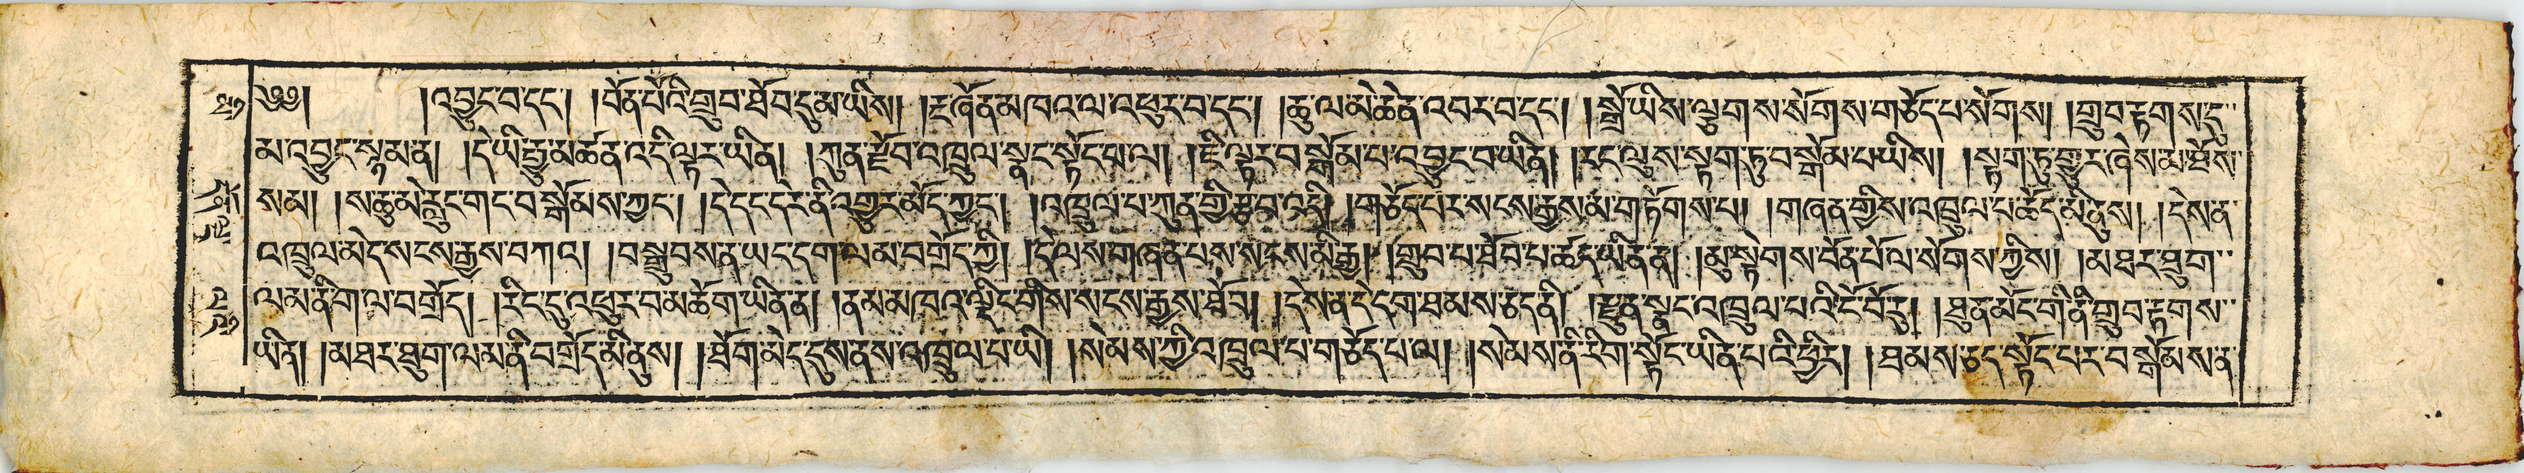འབྱུང་བ་དང་། །བོན་པོའི་གྲུབ་ཐོབ་དུ་མ་ཡིས། །རྔ་ཞོན་མཁའ་ལ་འཕུར་བ་དང་། །ཆུ་ལ་མེ་ཆེན་འབར་བ་དང་། །སྒྲོ་ཡིས་ལྕགས་སོགས་གཅོད་པ་སོགས། །གྲུབ་རྟགས་དུ་
མ་འབྱུང་སྙམ་ན། །དེ་ཡི་རྒྱུ་མཚན་འདི་ལྟར་ཡིན། །ཀུན་རྫོབ་འཁྲུལ་སྣང་སྟོང་པ་ལ། །ཇི་ལྟར་བསྒོམ་པ་བབྱུང་བ་ཡིན། །རང་ལུས་སྟག་ཏུ་བསྒོམ་པ་ཡིས། །སྟག་ཏུ་གྱུར་ཞེས་མ་ཐོས་
སམ། །ས་ཆུ་མེ་རླུང་གང་བསྒོམས་ཀྱང་། །དེ་དང་དེར་ནི་འགྱུར་མོད་ཀྱང་། །འཁྲུལ་པ་ཀུན་གྱི་རྩ་བ་འདི། །གཅོད་པར་སངས་རྒྱས་མ་གཏོགས་པ། །གཞན་གྱིས་འཁྲུལ་པ་ཆོད་མི་ནུས། །དེས་ན་
འཁྲུལ་མེད་སངས་རྒྱས་བཀའ། །བསྒྲུབས་ན་ཡང་དག་ལམ་བགྲོད་ཀྱི། །དེ་ལས་གཞན་པས་སངས་མི་རྒྱ། །གྲུབ་པ་ཐོབ་པ་ཚད་ཡིན་ན། །མུ་སྟེགས་བོན་པོ་ལ་སོགས་ཀྱིས། །མཐར་ཐུག་
ལམ་ནི་ག་ལ་བགྲོད། །རིང་དུ་འཕུར་བ་མཆོག་ཡིན་ན། །ནམ་མཁའ་ལྡིང་གིས་སངས་རྒྱས་ཐོབ། །དེས་ན་དེ་དག་ཐམས་ཅད་ནི། །རྫུན་སྣང་འཁྲུལ་པའི་ངོ་བོ་རུ། །ཐུན་མོང་གི་ནི་གྲུབ་རྟགས་
ཡིན། །མཐར་ཐུག་ལམ་ནི་བགྲོད་མི་ནུས། །ཐོག་མེད་དུས་ནས་འཁྲུལ་པ་ཡི། །སེམས་ཀྱི་འཁྲུལ་པ་གཅོད་པ་ལ། །སེམས་ནི་རིག་སྟོང་ཡིན་པའི་ཕྱིར། །ཐམས་ཅད་སྟོང་པར་བསྒོམས་ན་